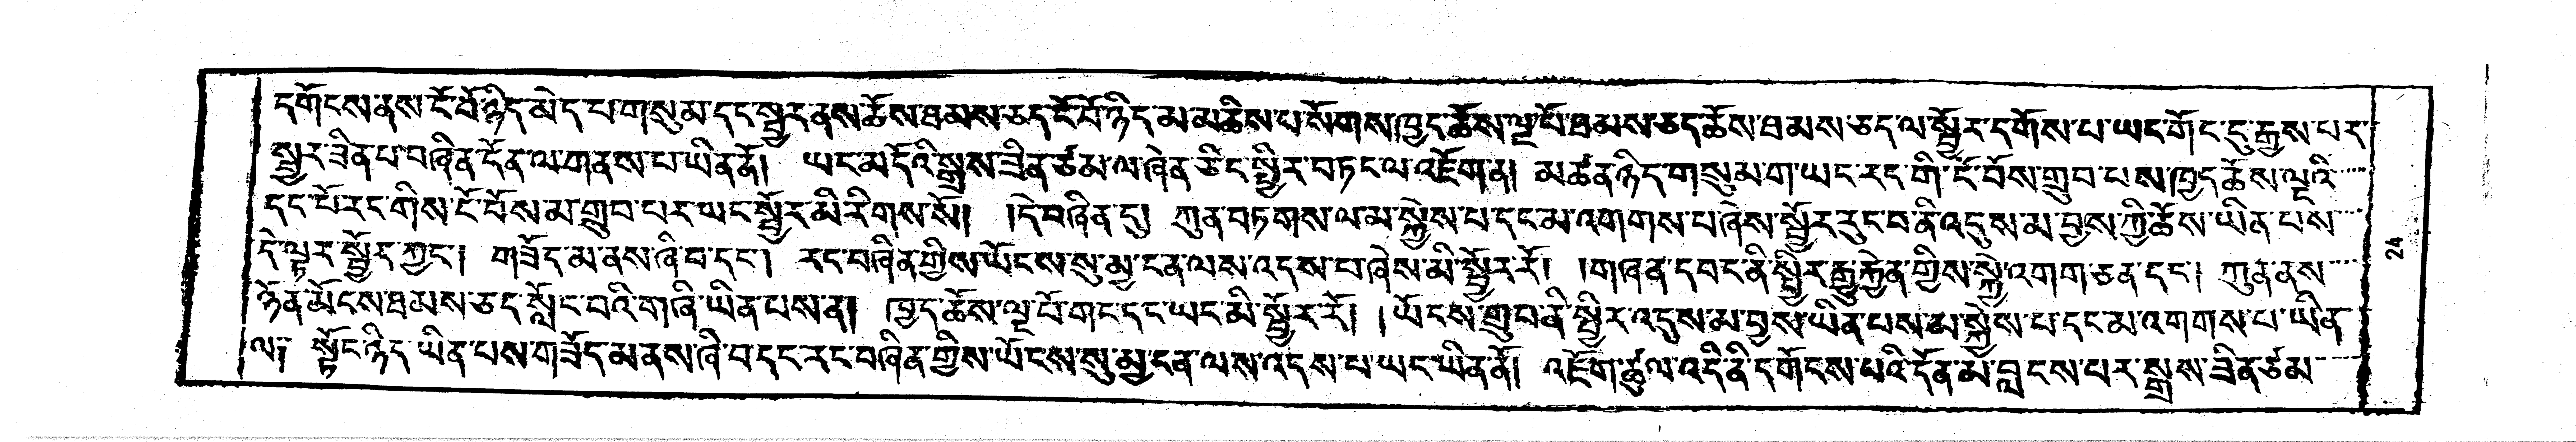དགོངས་ནས་ངོ་བོ་ཉིད་མེད་པ་གསུམ་དང་སྦྱར་ནས་ཆོས་ཐམས་ཅད་ངོ་བོ་ཉིད་མ་མཆིས་པ་སོགས་ཁྱད་ཆོས་ལྔ་པོ་ཐམས་ཅད་ཆོས་ཐམས་ཅད་ལ་སྦྱོར་དགོས་པ་ཡང་གོང་དུ་རྒྱས་པར་
སྦྱར་ཟིན་པ་བཞིན་དོན་ལ་གནས་པ་ཡིན་ནོ། ཡང་མདོའི་སྒྲས་ཟིན་ཙམ་ལ་ཞེན་ཅིང་སྤྱིར་བཏང་ལ་འཇོག་ན། མཚན་ཉིད་གསུམ་ག་ཡང་རང་གི་ངོ་བོས་གྲུབ་པས་ཁྱད་ཆོས་ལྔའི་
དང་པོ་རང་གིས་ངོ་བོས་མ་གྲུབ་པར་ཡང་སྦྱོར་མི་རིགས་སོ། །དེ་བཞིན་དུ། ཀུན་བཏགས་ལ་མ་སྐྱེས་པ་དང་མ་འགགས་པ་ཞེས་སྦྱོར་རུང་བ་ནི་འདུས་མ་བྱས་ཀྱི་ཆོས་ཡིན་པས་
དེ་ལྟར་སྦྱོར་ཀྱང་། གཟོད་མ་ནས་ཞི་བ་དང་། རང་བཞིན་གྱིས་ཡོངས་སུ་མྱ་ངན་ལས་འདས་པ་ཞེས་མི་སྦྱོར་རོ། །གཞན་དབང་ནི་སྤྱིར་རྒྱུ་རྐྱེན་གྱིས་སྐྱེ་འགག་ཅན་དང་། ཀུན་ནས་
ཉོན་མོངས་ཐམས་ཅད་སློང་བའི་གཞི་ཡིན་པས་ན། ཁྱད་ཆོས་ལྔ་བོ་གང་དང་ཡང་མི་སྦྱོར་རོ། །ཡོངས་གྲུབ་ནི་སྤྱིར་འདུས་མ་བྱས་ཡིན་པས་མ་སྐྱེས་པ་དང་མ་འགགས་པ་ཡིན་
ལ༑ སྟོང་ཉིད་ཡིན་པས་གཟོད་མ་ནས་ཞི་བ་དང་རང་བཞིན་གྱིས་ཡོངས་སུ་མྱ་ངན་ལས་འདས་པ་ཡང་ཡིན་ནོ། འཇོག་ཚུལ་འདི་ནི་དགོངས་པའི་དོན་མ་བླངས་པར་སྒྲས་ཟིན་ཙམ་